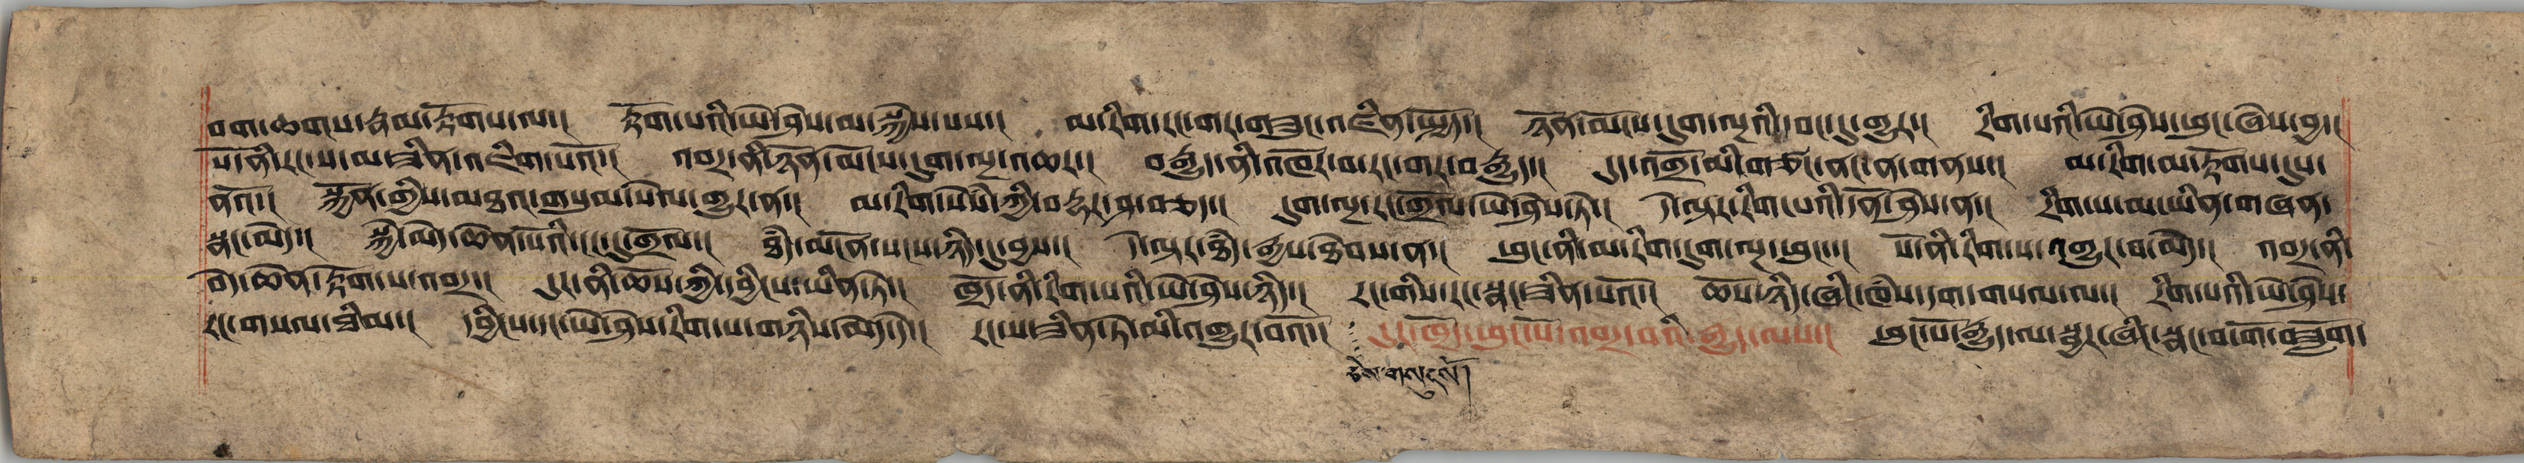བག་ཆགས་རྣམ་རྟོགས་ལ་། རྟོག་པའི་ཡེ་ཤེས་མ་སྐྱེས་པས་། མ་རིག་རང་གར་གཟུང་འཛིན་སྤྱོད་། ཉོན་མོངས་དུག་ལྔའི་དབང་དུ་གྱུར་། རིག་པའི་ཡེ་ཤེས་ཕུང་ཞེས་བྱ་།
སོ་ནི་རང་ཙ་མ་ཟིན་འཇིག་པའོ་། འབར་ནི་ཉོན་མོངས་དུག་ལྔ་འཆར་། བརྒྱུད་ནི་འཁོར་བ་རང་གར་བརྒྱུད་། དུད་འགྲོ་མི་གཙང་ནང་ན་གནས་། མ་རིག་མ་རྟོགས་དུས་
ནའོ་། སྐྱོན་གྱིས་མཐའ་གསུམ་སེལ་གྱུར་ན་། མ་རིག་སེཾས་ཀྱི་བརྡར་ཤ་བཅད་། དུག་ལྔ་རང་གྲོལ་ཡེ་ཤེས་ཏེ་། དེ་ལྟར་རིག་པའི་དོན་ཤེས་ན་། རིག་པ་མ་ཡིན་གཞན་
སྣང་མེད་། སྐྱེ་མེད་ཆེན་པོའི་ངང་དུ་གྲོལ་། ཐཾད་མངོན་སངས་ཉིད་དུ་བྱས་། དེ་ལྟར་ཐཾད་རྒྱས་ཐེབས་ན་། ཕུང་ནི་མ་རིག་དུག་ལྔ་ཕུང་་། སོ་ནི་རིག་པ་འགྱུར་བ་མེད་། འབར་ནི་
བདེ་ཆེན་རྟོག་པ་འབར་། དུར་ནི་ཆོས་ཀྱི་དབྱིངས་ཡིན་ཏེ་། ཁྲོད་ནི་རིག་པའི་ཡེ་ཤེས་ཉིད་། རང་གིས་རང་སྣང་ཟིན་པའོ་། ཆོས་ཉིད་ཞིང་ཁཾས་དག་གསལ་ལ་། རིག་པའི་ཡེ་ཤེས་
རང་གསལ་ཐིམ་། དབྱིངས་དང་ཡེ་ཤེས་རིག་པ་གཉིས་མེད་དེ་། རང་ས་ཟིན་ཏེ་མི་འགྱུར་བའོ་། དུར་ཁྲོད་ཕུང་པོ་འབར་བའི་རྒྱུད་ལས་། ཕུང་པོ་རྒྱུད་ལ་སྦྱར་ཞིང་སྣང་བ་གོ་བཟློག་་